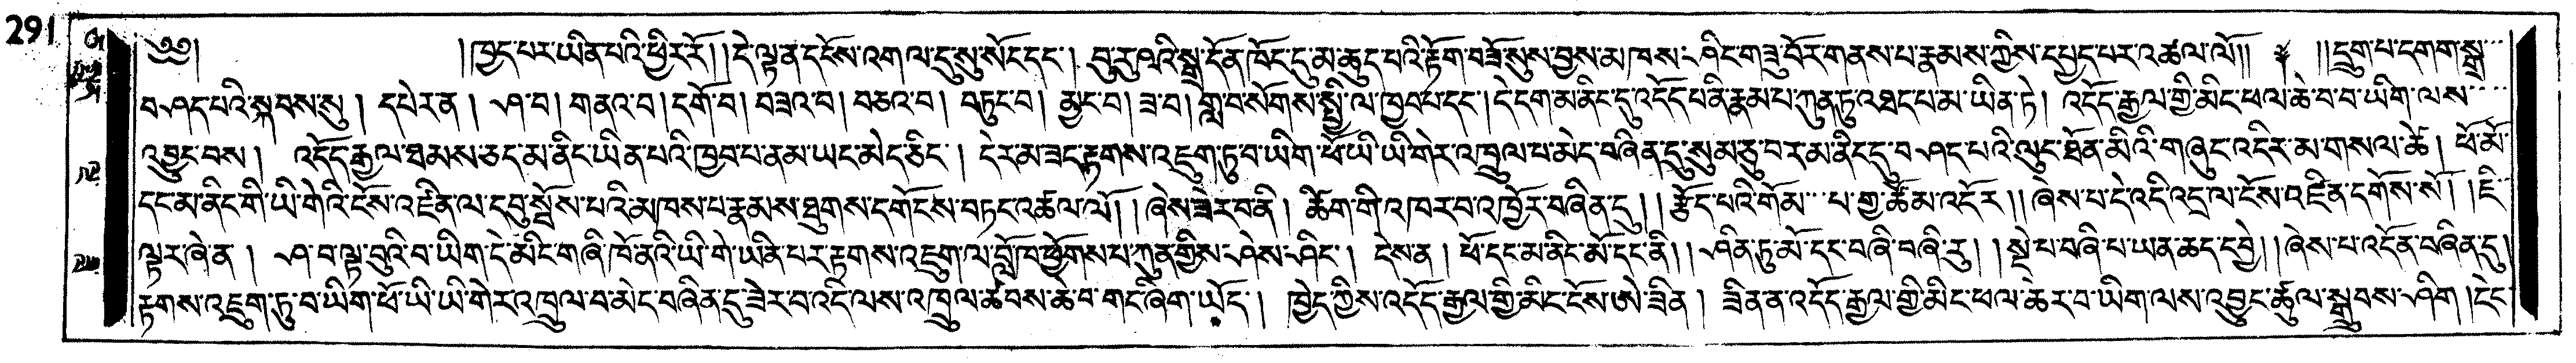༄༅། །ཁྱད་པར་ཡིན་པའི་ཕྱིར་རོ། །དེ་ལྟ་ན་དངོས་འགལ་དུ་སུ་སོང་དང་། བུ་རུ་ཥའི་སྒྲ་དོན་ཁོང་དུ་མ་ཆུད་པའི་རྟོག་བཟོ་སུས་བྱས་མཁས་ཤིང་གཟུ་བོར་གནས་པ་རྣམས་ཀྱིས་དཔྱད་པར་འཚལ་ལོ།། འ་།།དྲུག་པ་དགག་སྒྲ་
བཤད་པའི་སྐབས་སུ། དཔེར་ན། ཤ་བ། གནའ་བ། དགོ་བ། བཟའ་བ། བཅའ་བ། བཏུང་བ། མྱང་བ། ཟ་བ། གླ་བ་སོགས་སྤྱི་ལ་ཁྱབ་པ་དང་། དེ་དག་མ་ནིང་དུ་འདོད་པ་ནི་རྣམ་པ་ཀུན་ཏུ་འཐད་པ་མ་ཡིན་ཏེ། འདོད་རྒྱལ་གྱི་མིང་ཕལ་ཆེ་བ་བ་ཡིག་ལས་
འབྱུང་བས། འདོད་རྒྱལ་ཐམས་ཅད་མ་ནིང་ཡིན་པའི་ཁྱབ་པ་ནམ་ཡང་མེད་ཅིང་། དེར་མ་ཟང་རྟགས་འཇུག་ཏུ་བ་ཡིག་ཕོ་ཡི་ཡི་གེར་འཁྲུལ་པ་མེད་བཞིན་དུ་སུམ་ཅུ་བར་མ་ནིང་དུ་བཤད་པའི་ལུང་ཐོན་མིའི་གཞུང་འདིར་མ་གསལ་ཚེ། ཕོ་མོ་
དང་མ་ནིང་གི་ཡི་གེའི་ངོས་འཛིན་ལ་དབུ་སྦོས་པའི་མཁས་པ་རྣམས་ཐུགས་དགོངས་བཏང་འཚལ་ལོ། །ཞེས་ཟེར་བ་ནི། ཚིག་གི་འཁར་བ་འཁྱོར་བཞིན་དུ། །རྩོད་པའི་གོམ་་་པ་གྱ་ཚོམ་འདོར། །ཞེས་པ་དེ་འདི་འདྲ་ལ་ངོས་འཛིན་དགོས་སོ། །ཇི་
ལྟར་ཞེ་ན། ཤ་བ་ལྟ་བུའི་བ་ཡིག་དེ་མིང་གཞི་ཁོ་ནའི་ཡི་གེ་ཡིན་པར་རྟགས་འཇུག་ལ་བློ་ཁ་ཕྱོགས་པ་ཀུན་གྱིས་ཤེས་ཤིང་། དེས་ན། ཕོ་དང་མ་ནིང་མོ་དང་ནི། །ཤིན་ཏུ་མོ་དང་བཞི་བཞི་རུ། །སྡེ་པ་བཞི་པ་ཡན་ཆད་དབྱེ། །ཞེས་པ་འདོན་བཞིན་དུ།
རྟགས་འཇུག་ཏུ་བ་ཡིག་ཕོ་ཡི་ཡི་གེར་འཁྲུལ་བ་མེད་བཞིན་དུ་ཟེར་བ་འདི་ལས་འཁྲུལ་ཚབས་ཆེ་བ་གང་ཞིག་ཡོད། ཁྱེད་ཀྱིས་འདོད་རྒྱལ་གྱི་མིང་ངོས་ཨེ་ཟིན། ཟིན་ན་འདོད་རྒྱལ་གྱི་མིང་ཕལ་ཆེར་བ་ཡིག་ལས་འབྱུང་ཚུལ་སྒྲུབས་ཤིག །དེང་